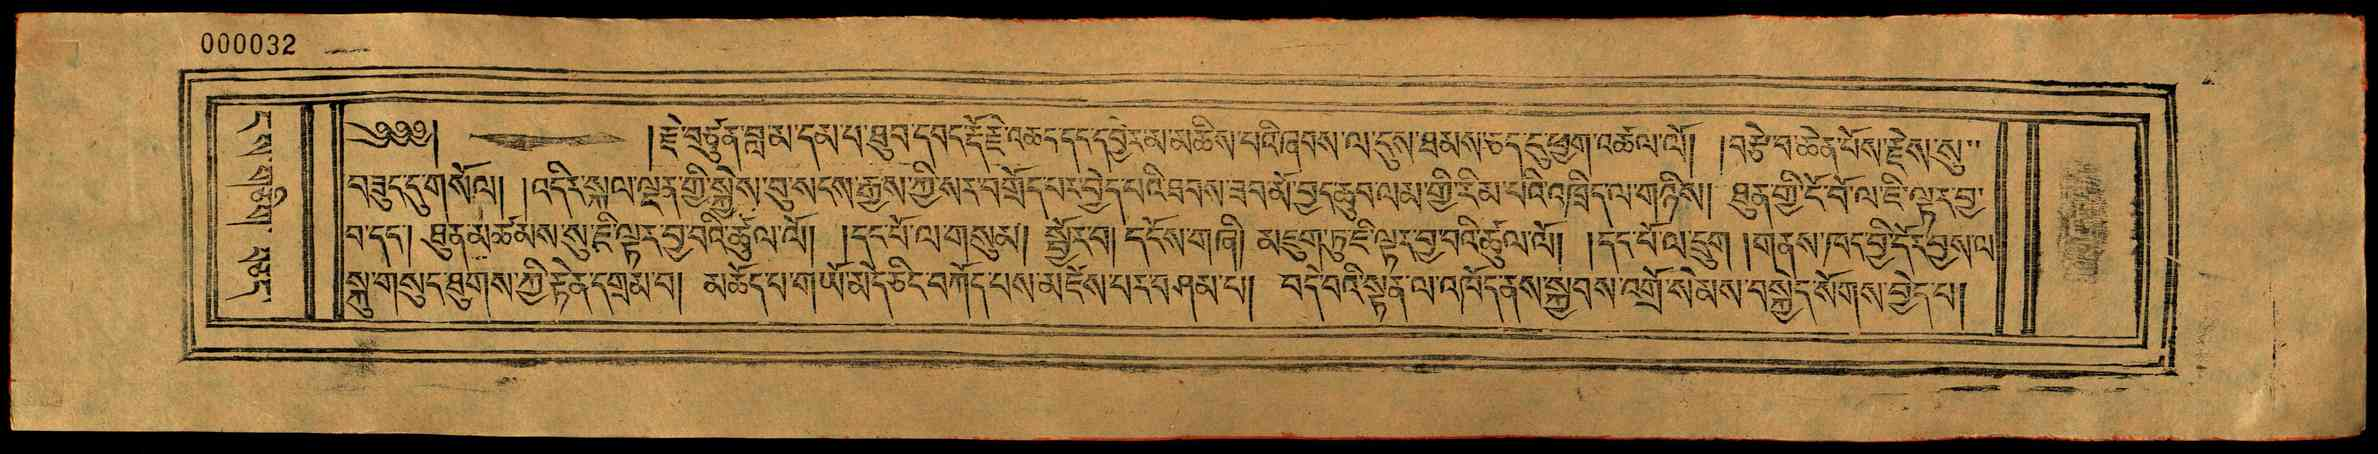༄༅༅། །རྗེ་བཙུན་བླ་མ་དམ་པ་ཐུབ་དབང་རྡོ་རྗེ་འཆང་དང་དབྱེར་མ་མཆིས་པའི་ཞབས་ལ་དུས་ཐམས་ཅད་དུ་ཕྱག་འཚལ་ལོ། །བརྩེ་བ་ཆེན་པོས་རྗེས་སུ་
བཟུང་དུ་གསོལ། །འདིར་སྐལ་ལྡན་གྱི་སྐྱེས་བུ་སངས་རྒྱས་ཀྱི་སར་བགྲོད་པར་བྱེད་པའི་ཐབས་ཟབ་མོ་བྱང་ཆུབ་ལམ་གྱི་རིམ་པའི་འཁྲིད་ལ་གཉིས། ཐུན་གྱི་ངོ་བོ་ལ་ཇི་ལྟར་བྱ་
བ་དང་། ཐུན་མཚམས་སུ་ཇི་ལྟར་བྱ་བའི་ཚུལ་ལོ། །དང་པོ་ལ་གསུམ། སྦྱོར་བ། དངོས་གཞི། མཇུག་ཏུ་ཇི་ལྟར་བྱ་བའི་ཚུལ་ལོ། །དང་པོ་ལ་དྲུག །གནས་ཁད་བྱི་དོར་བྱས་ལ་
སྐུ་གསུང་ཐུགས་ཀྱི་རྟེན་དགྲམ་པ། མཆོད་པ་གཡོ་མེད་ཅིང་བཀོད་པས་མཛེས་པར་བཤམ་པ། བདེ་པའི་སྟན་ལ་འཁོད་ནས་སྐྱབས་འགྲོ་སེམས་བསྐྱེད་སོགས་བྱེད་པ།